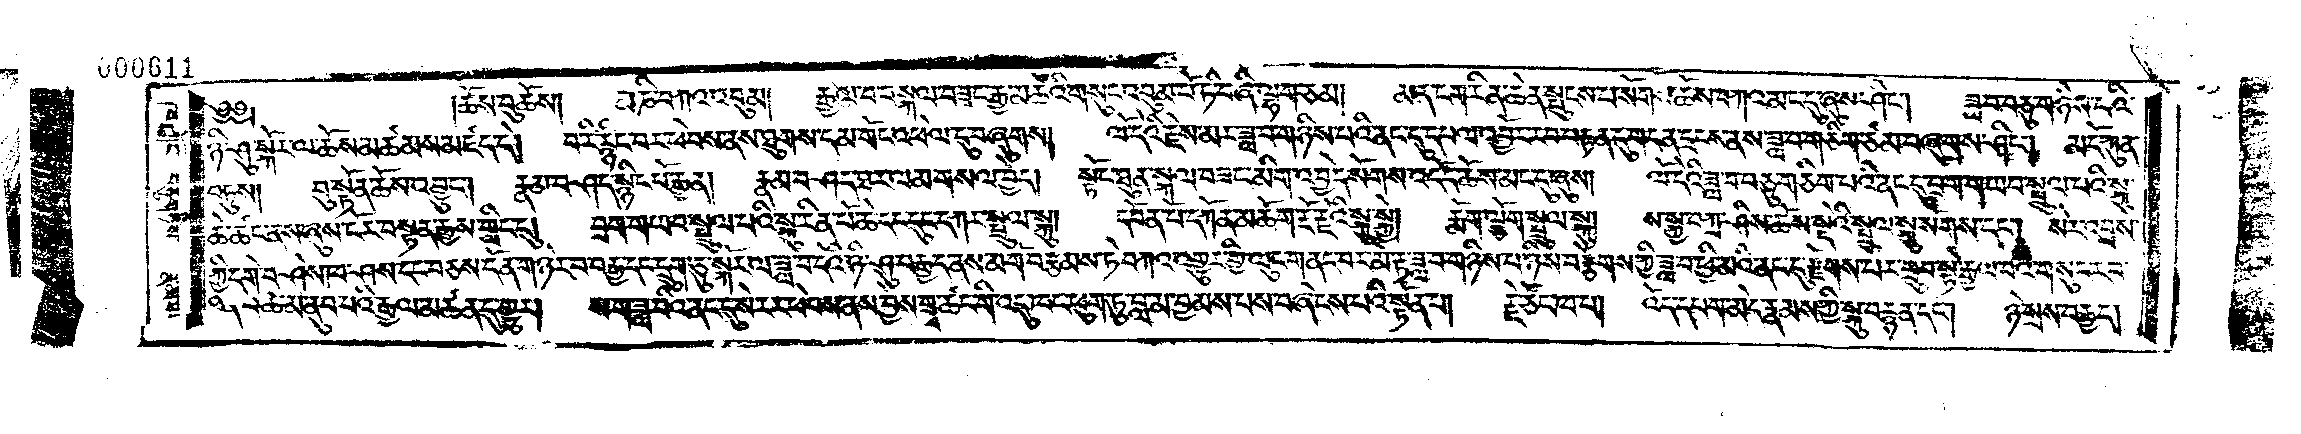༄༅། །ཆོས་བུ་ཆོས། མ་ཎི་བཀའ་འབུམ། རྒྱལ་བ་བསྐལ་བཟང་རྒྱ་མཚོའི་གསུང་འབུམ་པོ་ཏི་བཞི་ལྷག་ཙམ། མན་ངག་རིན་ཆེན་སྤུངས་པ་སོགས་ཆོས་བཀའ་མང་དུ་ཞུས་ཤིང་། ཟླ་བ་བཅུ་གཉིས་པའི་
ཉི་ཤུ་སྐོར་ལ་ཆོས་མཚམས་མཛད་དེ། བ་རི་རྙིང་བར་ཕེབས་ནས་ཐུགས་དམ་གོང་འཕེལ་དུ་བཞུགས། ལོ་དེའི་རྗེས་མར་ཟླ་བ་གཉིས་པའི་ནང་དུ་དཔལ་འབྱོར་རབ་བརྟན་དུ་གདན་དྲངས་ནས་ཟླ་བ་གཅིག་ཙམ་བཞུགས་ཤིང་། མདོ་ཀུན་
བཏུས། བུ་སྟོན་ཆོས་འབྱུང་། རྣམ་བཤད་སྙིང་པོ་རྒྱན། རྣམ་བཤད་ཐར་ལམ་གསལ་བྱེད། སྟོང་ཐུན་སྐལ་བཟང་མིག་འབྱེད་སོགས་འདོད་ཆོས་མང་དུ་ཞུས། ལོ་དེའི་ཟླ་བ་བཅུ་གཅིག་པའི་ནང་དུ་བྲག་གཡབ་སྤྲུལ་པའི་སྐུ་
ཆེ་ཚང་ནས་ཞུས་ངོར་བསྟན་རྒྱས་གླིང་དུ། བྲག་གཡབ་སྤྲུལ་པའི་སྐུ་རིན་པོ་ཆེ་དང་དུང་དཀར་སྤྲུལ་སྐུ། དབོན་པོ་དཀོན་མཆོག་རྡོ་རྗེའི་སྐུ་སྐྱེ། རྨོག་ལྕོག་སྤྲུལ་སྐུ། ས་སྐྱ་བཀྲ་ཤིས་ཆོས་སྡེའི་སྤྲུལ་སྐུ་སོགས་དང་། སེར་འབྲས་
ཀྱི་དགེ་བཤེས་ཁ་ཤས་དང་བཅས་དོན་གཉེར་བ་བརྒྱ་དང་དྲུག་ཅུ་སྐོར་ལ་ཟླ་བ་དེའི་ཉི་ཤུ་བརྒྱད་ནས་མགོ་བརྩམས་ཏེ་བཀའ་འགྱུར་གྱི་ལུང་གནང་བར་མེ་རྟ་ཟླ་བ་གཉིས་པ་ཉིས་བརྩེགས་ཀྱི་ཟླ་བ་ཕྱི་མའི་ནང་དུ་རྫོགས་པར་གྲུབ་སྟེ་རྒྱལ་བའི་གསུང་རབ་
རིན་པོ་ཆེ་མི་ནུབ་པའི་རྒྱལ་མཚན་དུ་གྱུར། ས་ག་ཟླ་བའི་ནང་དུ་སེར་ར་ཕེབས་ནས་བྱེས་གྲྭ་ཚང་གི་འདུ་ཁང་ཕུག་ཏུ་བླ་མ་བྱམས་པས་བཞེངས་པའི་སྟོན་པ། རྗེ་ཙོང་ཁ་པ། འོད་དཔག་མེད་རྣམས་ཀྱི་སྐུ་བརྙན་དང་། ཉེ་སྲས་བརྒྱད།